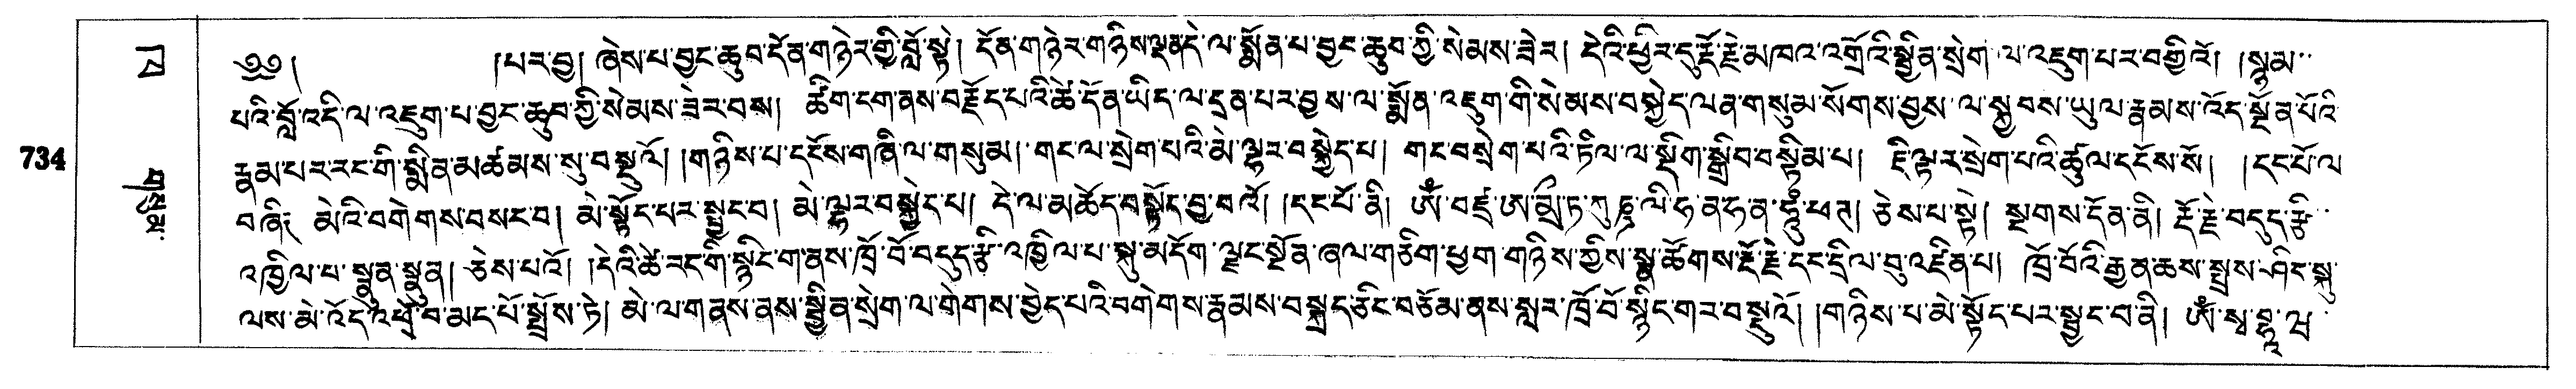༄༅། །པར་བྱ། ཞེས་པ་བྱང་ཆུབ་དོན་གཉེར་གྱི་བློ་སྟེ། དོན་གཉེར་གཉིས་ལྡན་དེ་ལ་སྨོན་པ་བྱང་ཆུབ་ཀྱི་སེམས་ཟེར། དེའི་ཕྱིར་དུ་རྡོ་རྗེ་མཁའ་འགྲོའི་སྦྱིན་སྲེག་ལ་འཇུག་པར་བགྱིའོ། །སྙམ་
པའི་བློ་འདི་ལ་འཇུག་པ་བྱང་ཆུབ་ཀྱི་སེམས་ཟེར་བས། ཚིག་ངག་ནས་བརྗོད་པའི་ཚེ་དོན་ཡིད་ལ་དྲན་པར་བྱས་ལ་སྨོན་འཇུག་གི་སེམས་བསྐྱེད་ལན་གསུམ་སོགས་བྱས་ལ་སྐྱབས་ཡུལ་རྣམས་འོད་སྔོན་པོའི་
རྣམ་པར་རང་གི་སྨིན་མཚམས་སུ་བསྡུའོ། །གཉིས་པ་དངོས་གཞི་ལ་གསུམ། གང་ལ་སྲེག་པའི་མེ་ལྷར་བསྐྱེད་པ། གང་བསྲེག་པའི་ཏིལ་ལ་སྡིག་སྒྲིབ་བསྟིམ་པ། ཇི་ལྟར་སྲེག་པའི་ཚུལ་དངོས་སོ། །དང་པོ་ལ་
བཞི༑ མེའི་བགེགས་བསང་བ། མེ་སྟོང་པར་སྦྱང་བ། མེ་ལྷར་བསྐྱེད་པ། དེ་ལ་མཆོད་བསྟོད་བྱ་བའོ། །དང་པོ་ནི། ཨོཾ་བཛྲ་ཨ་མྲྀ་ཏ་ཀུཎྜ་ལི་ཧ་ན་ཧ་ན་ཧཱུཾ་ཕཊ། ཅེས་པ་སྟེ། སྔགས་དོན་ནི། རྡོ་རྗེ་བདུད་རྩི་
འཁྱིལ་པ་སྣུན་སྣུན། ཅེས་པའོ། །དེའི་ཚེ་རང་གི་སྙིང་ག་ནས་ཁྲོ་བོ་བདུད་རྩི་འཁྱིལ་པ་སྐུ་མདོག་ལྗང་སྔོན་ཞལ་གཅིག་ཕྱག་གཉིས་ཀྱིས་སྣ་ཚོགས་རྡོ་རྗེ་དང་དྲིལ་བུ་འཛིན་པ། ཁྲོ་བོའི་རྒྱན་ཆས་སྤྲས་ཤིང་སྐུ་
ལས་མེ་འོད་འཕྲོ་བ་མང་པོ་སྤྲོས་ཏེ། མེ་ལ་གནས་ནས་སྦྱིན་སྲེག་ལ་གེགས་བྱེད་པའི་བགེགས་རྣམས་བསྐྲད་ཅིང་བཅོམ་ནས་སླར་ཁྲོ་བོ་སྙིང་གར་བསྡུའོ། །གཉིས་པ་མེ་སྟོང་པར་སྦྱང་བ་ནི། ཨོཾ་སྭ་བྷཱ་ཝ་